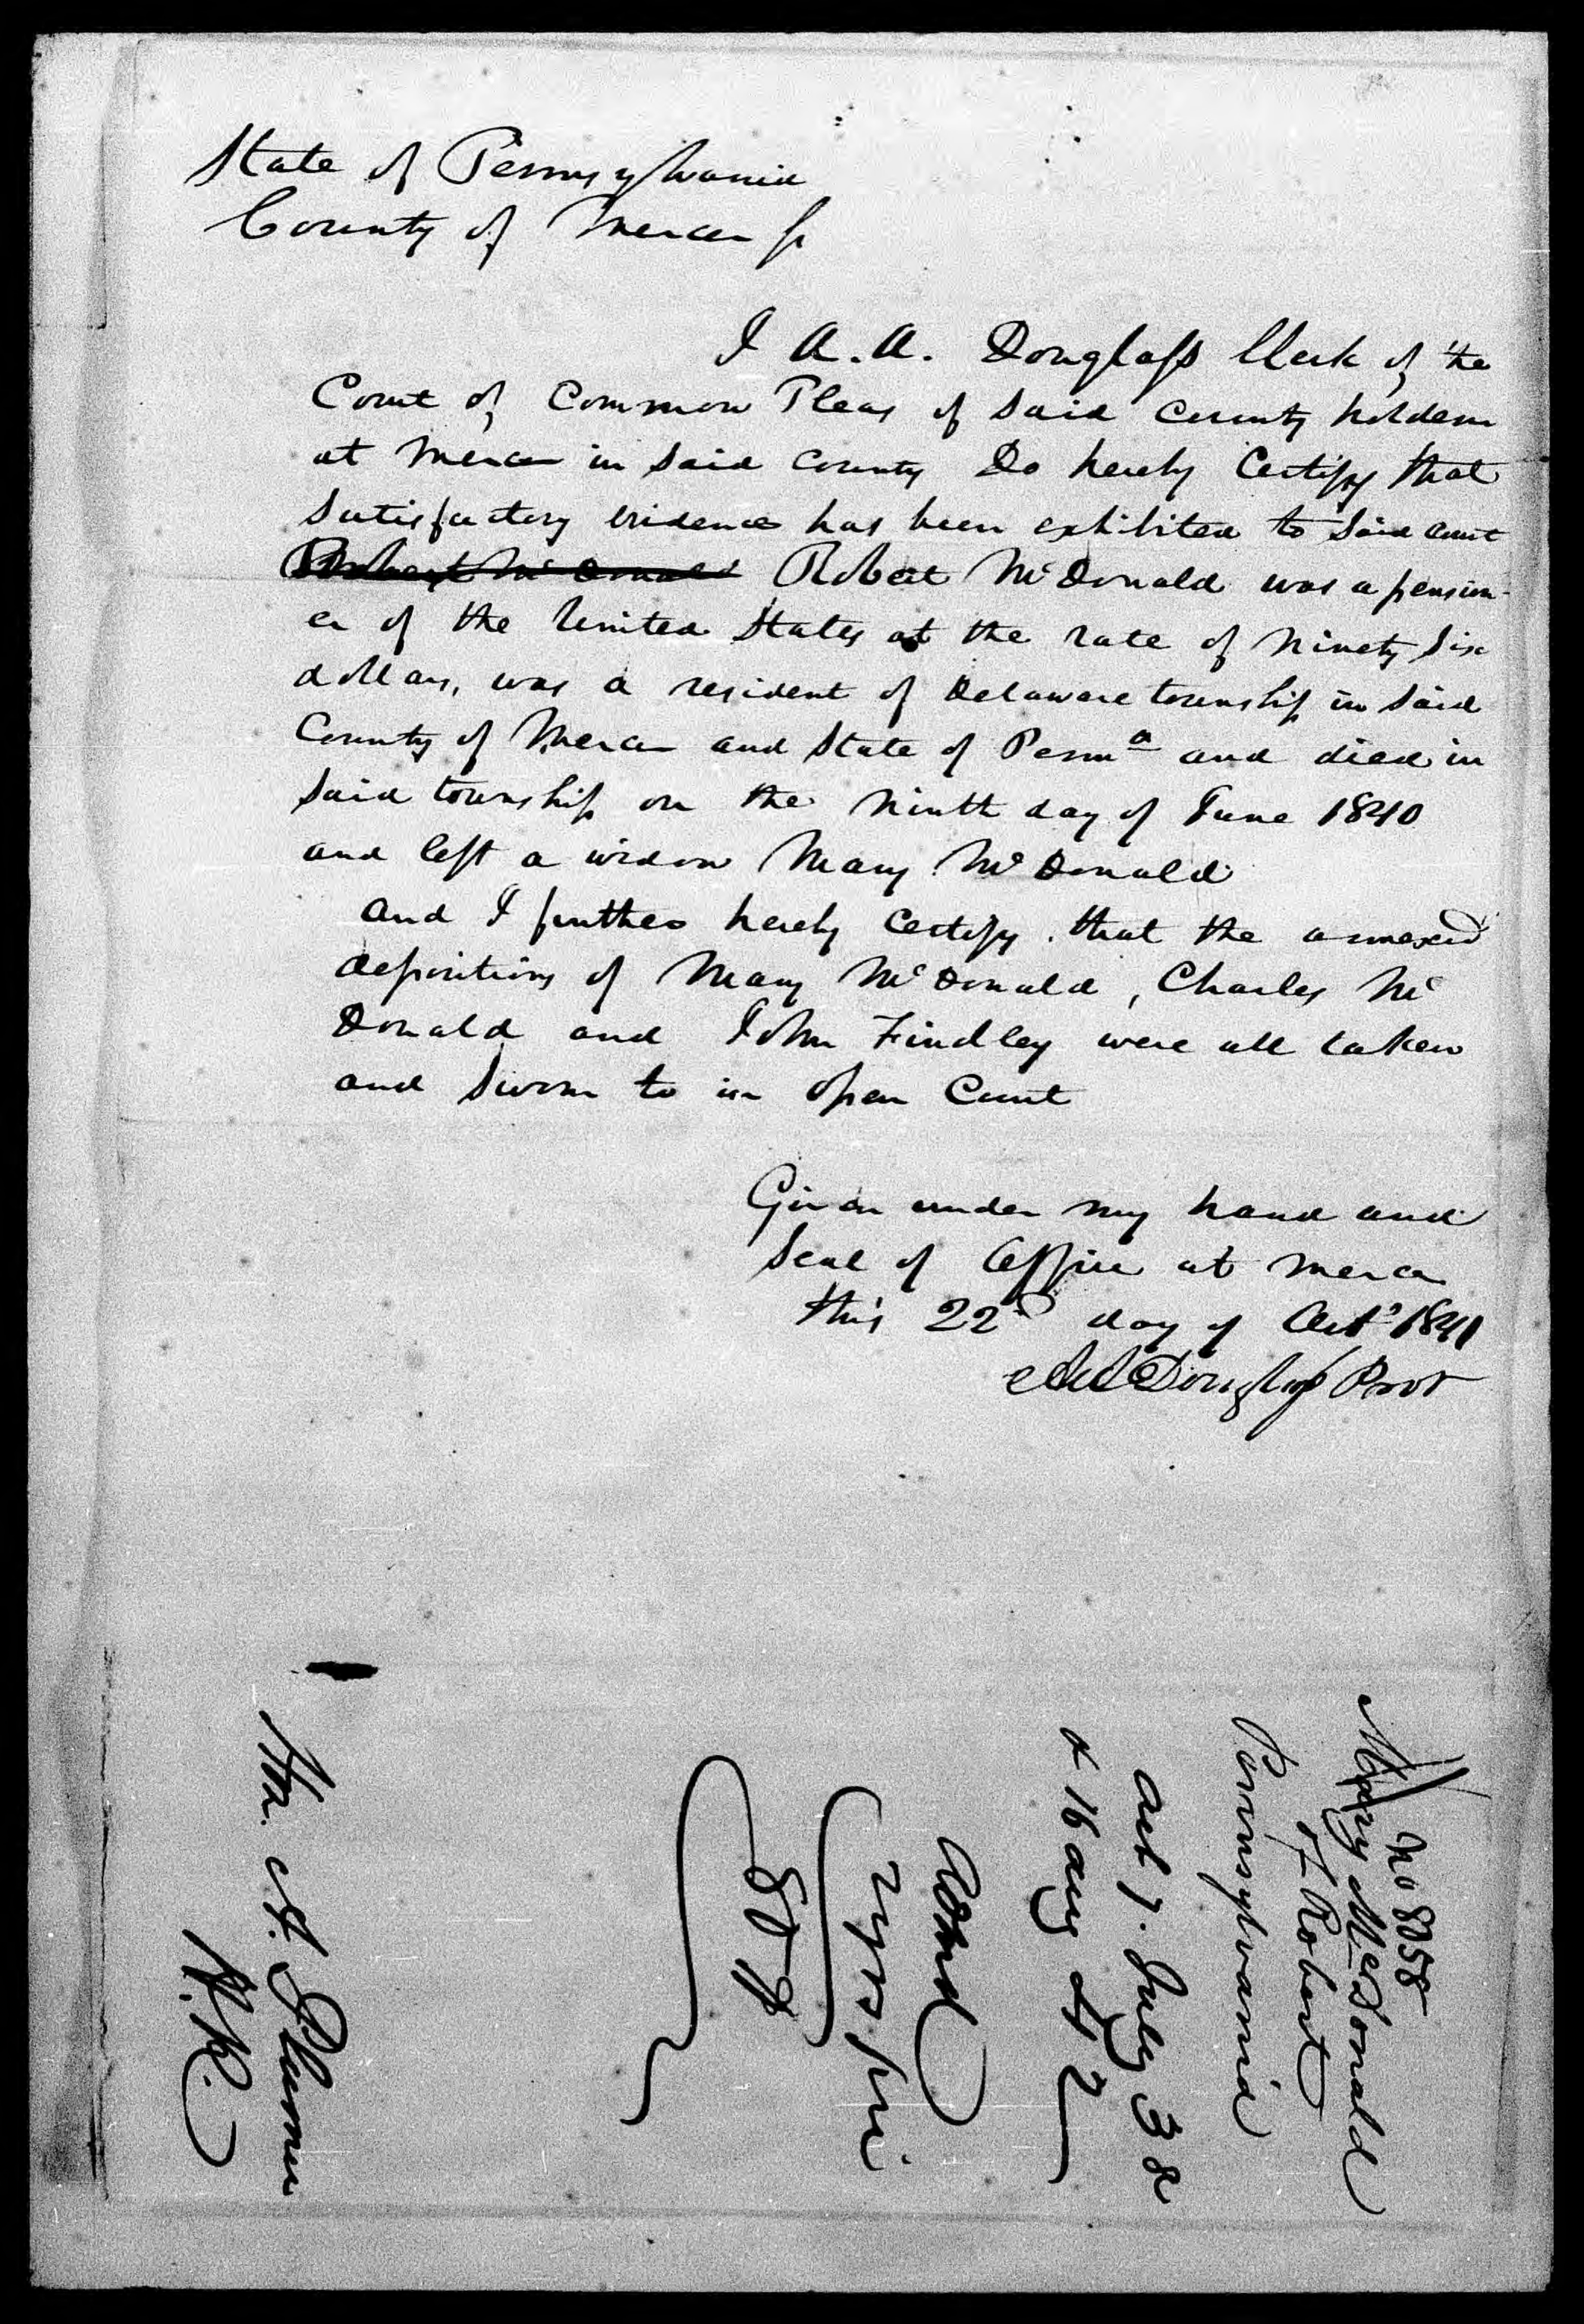State of Pennsylvania
County of Mercer
I A.A. Douglass Clerk of the court of Common pleas of said county held in at Mercer in Said County Do hereby certify that satisfactory evidence has been exhibited to said Court Robert McDonald was a Pensioner of the United States at the rate of ninety six dollars was a resident of Delaware township in said County of Mercer and State of Penna and died in said Township on the ninth day of June 1840 and left a widow Mary McDonald. And I further hereby certify that the annexed depositions of Mary McDonald Charley McDonald and JM Findley were all taken and sworn to in open Court given under my hand an Seal of Office at Mercer this 22nd day of Oct 1841 A.A. Douglass Prothy
No 8058
Mary McDonald of Robert Pennsylvania Oct 7 July 3 and 16 Aug 4th
aomd
(unreadable)
809
Hon. A. Plummer H.R.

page: 20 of 59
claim: widow's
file: W 3703, for Robert Mc Donald, Pennsylvania